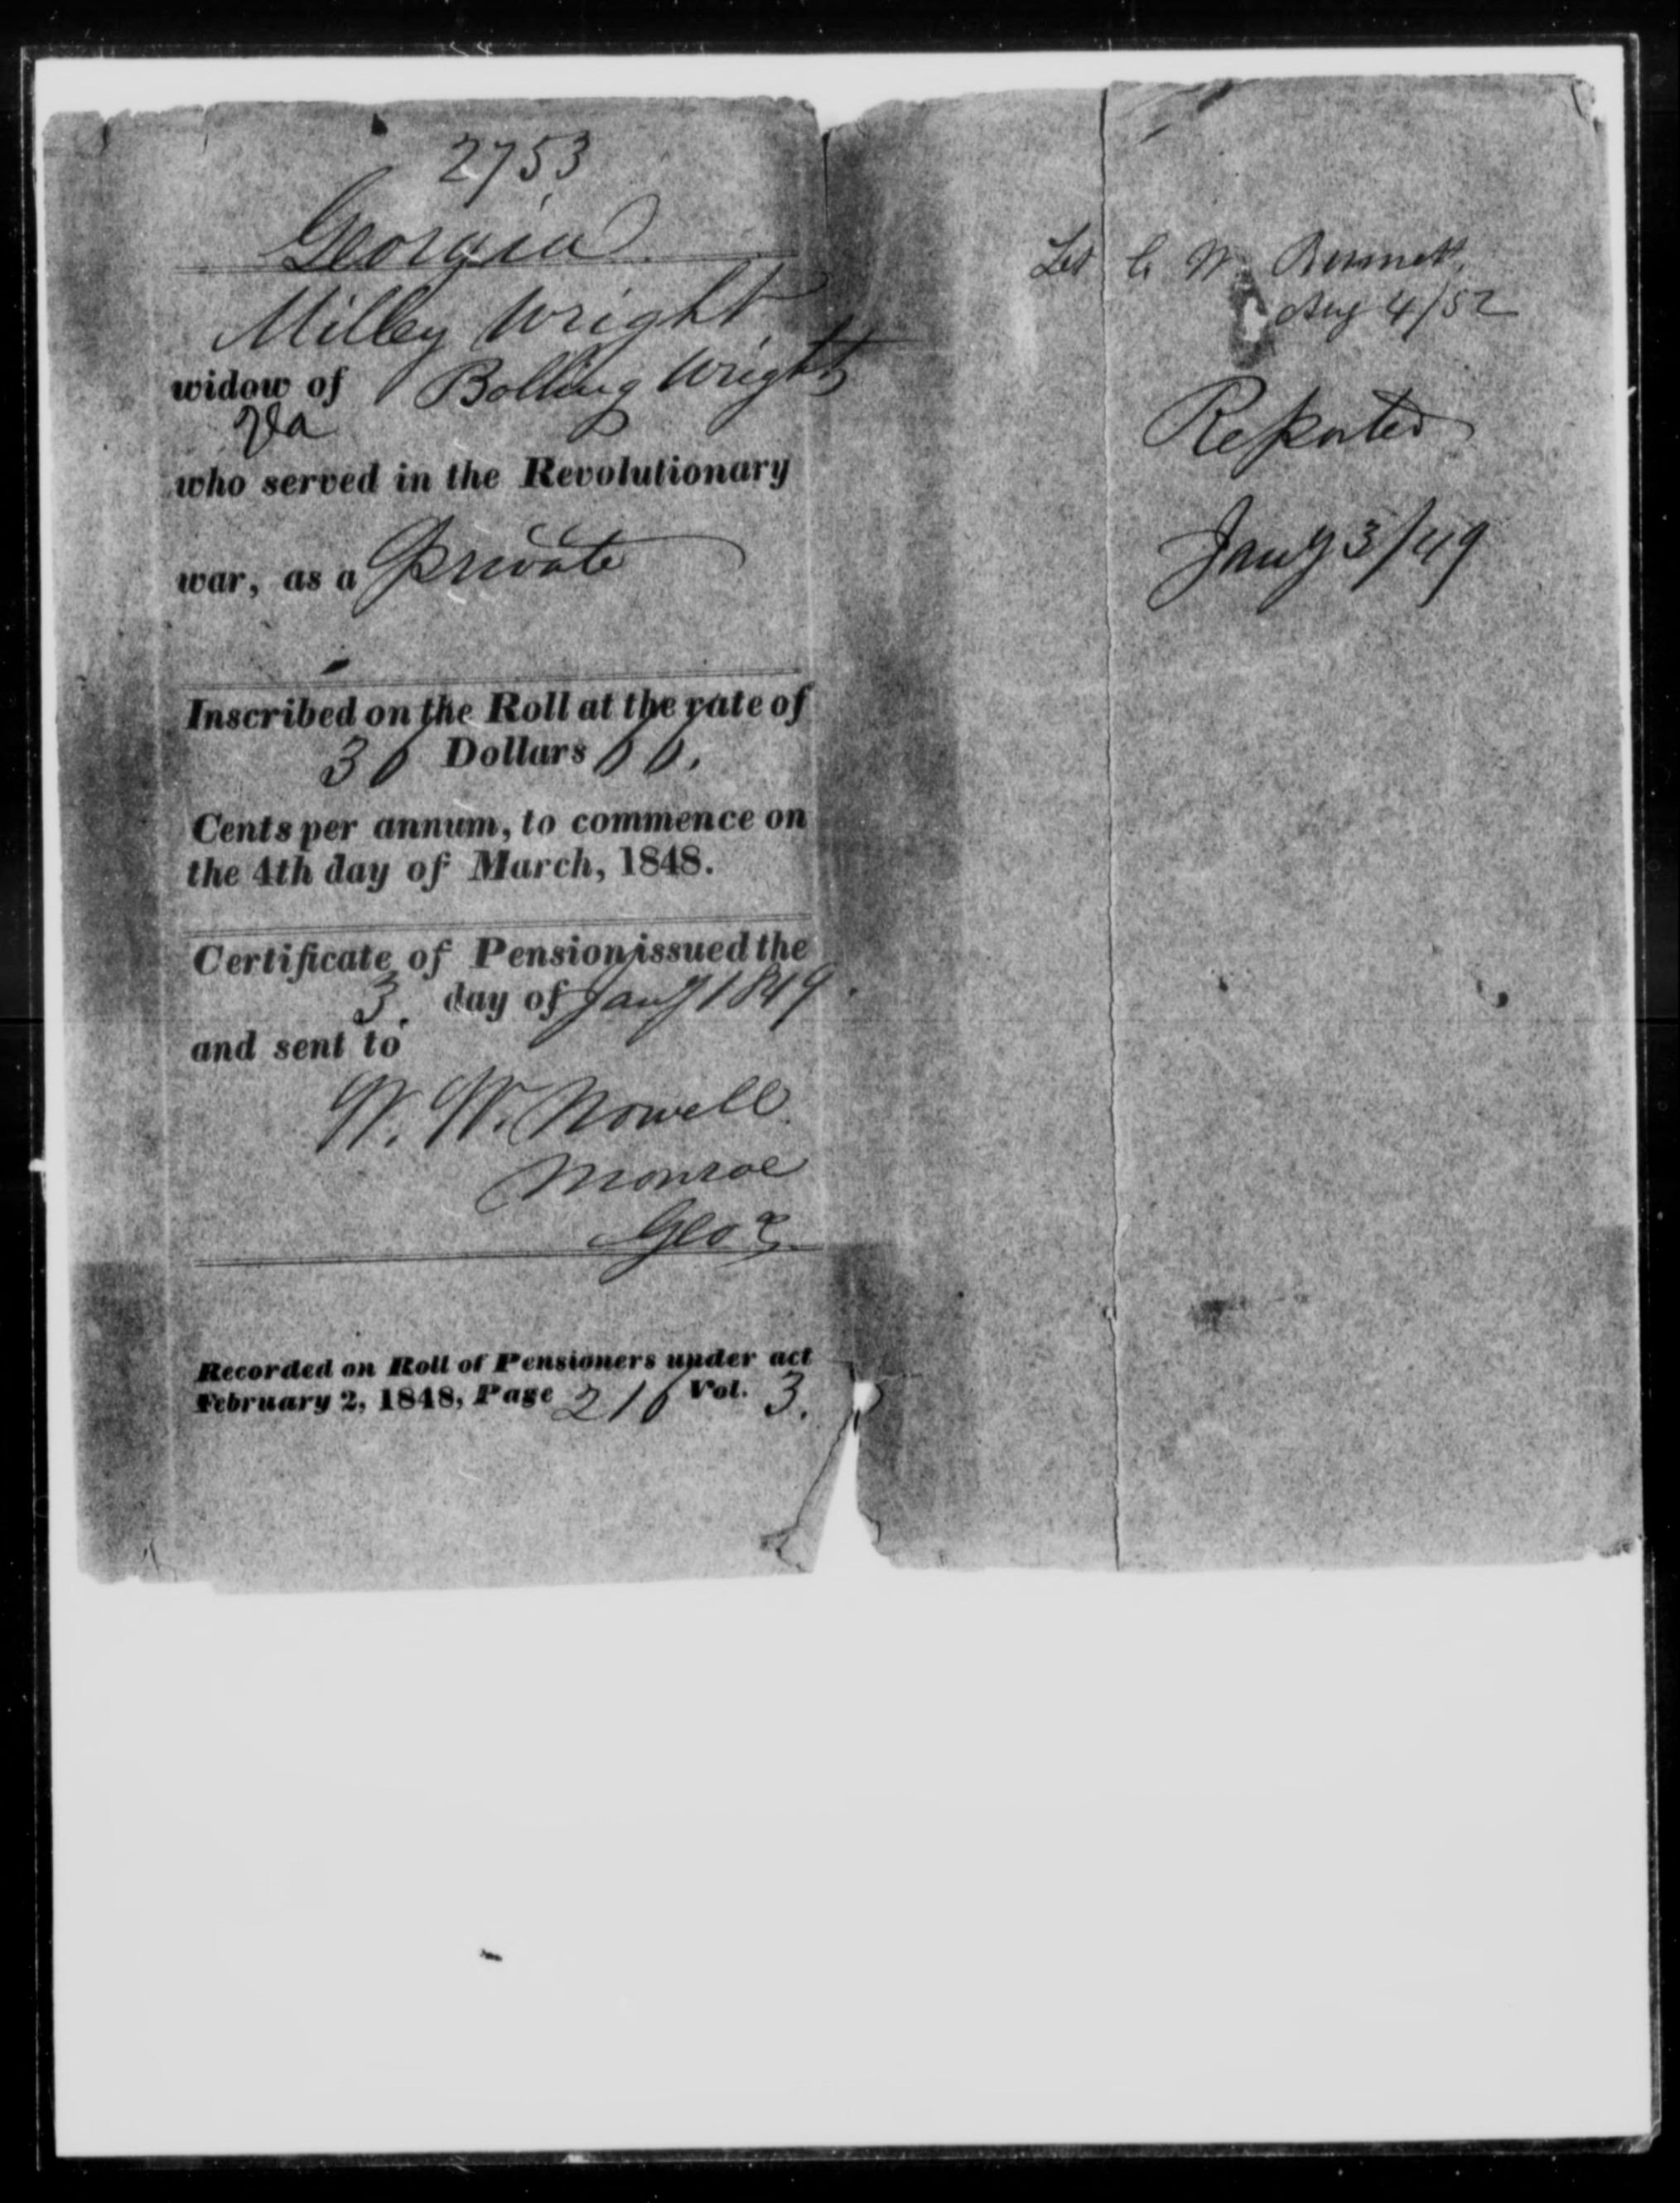2753
Georgia
Milley Wright widow of Bolling Wright, who served in the Revolutionary war, as a private
Inscribed on the Roll at the rate of 36 Dollars 66 Cents per annum, to commence on the 4th day of March, 1848.
Certificate of Pension issued the 3 day of  Jany 1849 and sent to 
W. W. Nowell
Monroe Geog.
Recorded on Roll of Pensioners under act February 2, 1848, Page 216 Vol. 3.

Let C. W. Bennett
Aug 4/52
Reported  
Jany3/49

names: Bolling Wright, Milley Wright, C W Bennett, W W Nowell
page: 3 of 81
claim: widow's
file: W. 5183, Bolling Wright, Va.